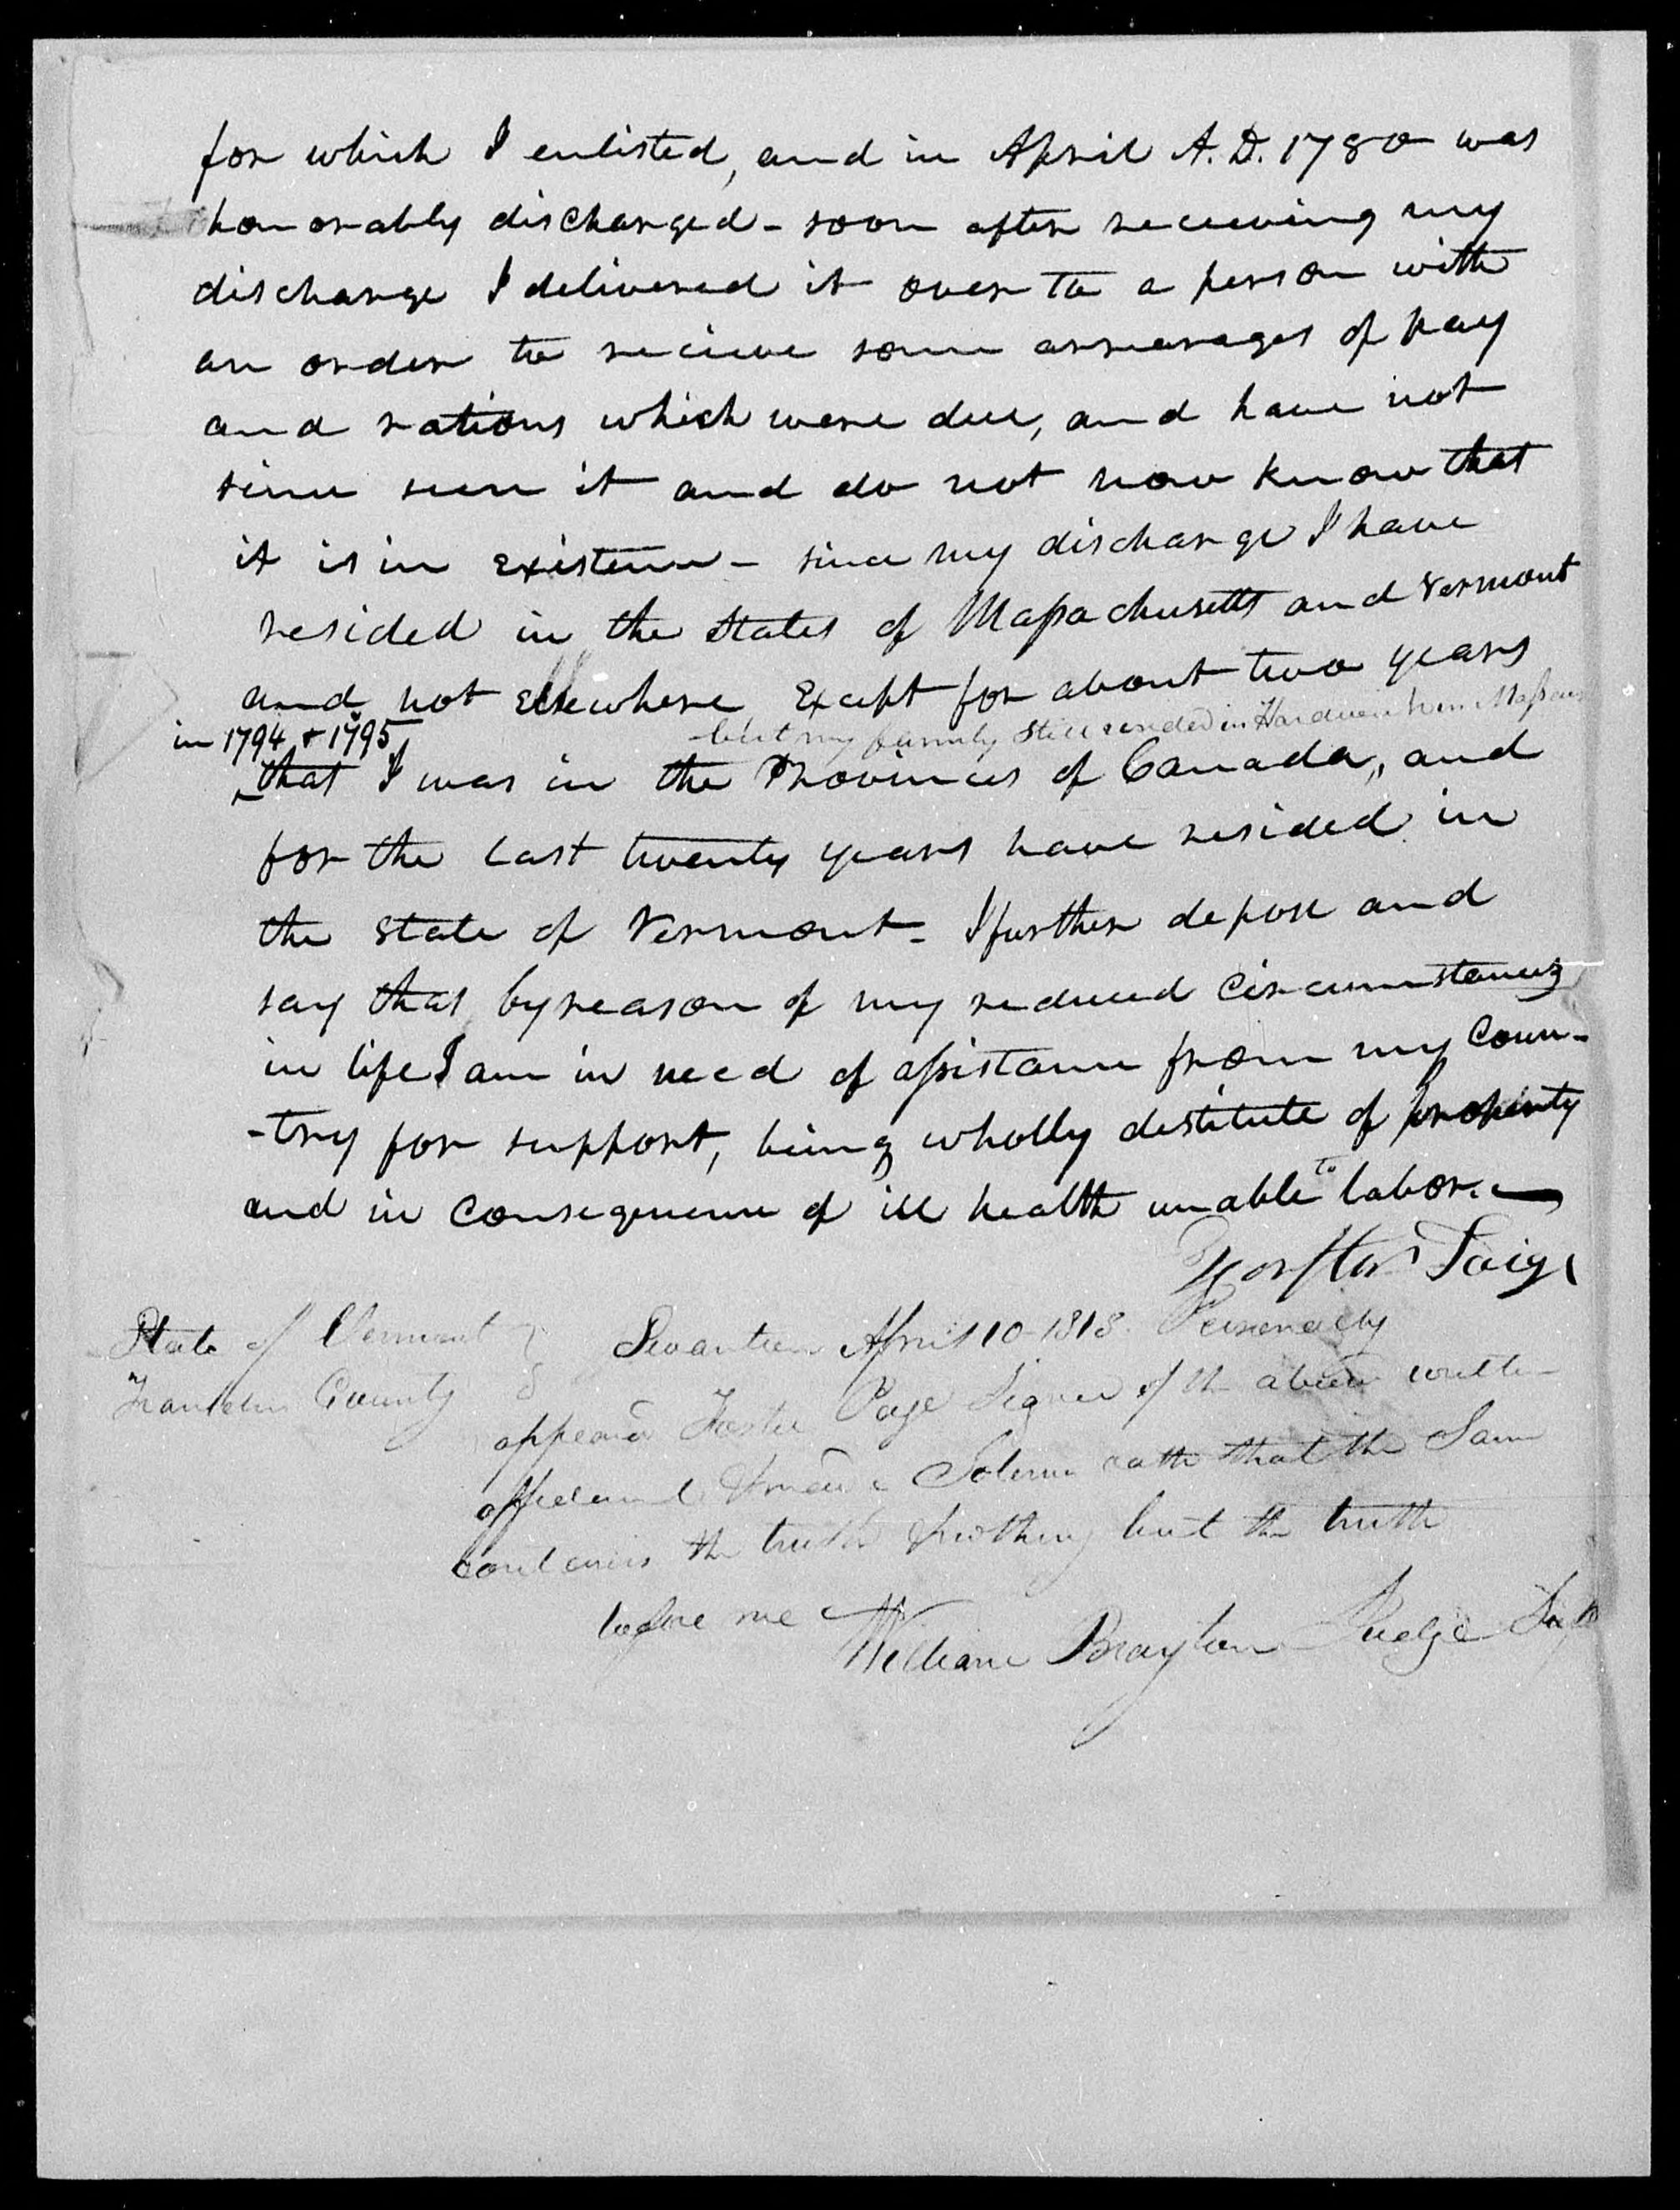for which I enlisted, and in April A.D. 1780 was
honorably discharged - soon after receiving my
discharge I delivered it over to a person with
an order to receive some arrearages of pay
and rations which were due, and have not
since seen it and do not now know that
it is in existence - Since my discharge I have
resided in the states of Massachusetts and Vermont
and not elsewhere, but my family still resided in Hardwick in Massachusetts
Except for about two years
in 1794 + 1795 that I was in the Provinces of Canada, and
for the last twenty years have resided in
the State of Vermont. I further depose and
say that by reason of my reduced circumstances
in life I am in need of assistance from my country
for support, being wholly destitute of property
and in consequence of ill health unable to labor.
Foster Paige
State of Vermont
Franklin County
[illegible] April 10 1818
Personally
appeared Foster Page signer of the above written
office and made Solemn oath that the same
contains the truth nothing but the truth
before me William Brayton Judge S[illegible]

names: Foster Paige; William Brayton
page: 8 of 40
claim: widow's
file: W. 15168, for Foster Paige, Massachusetts